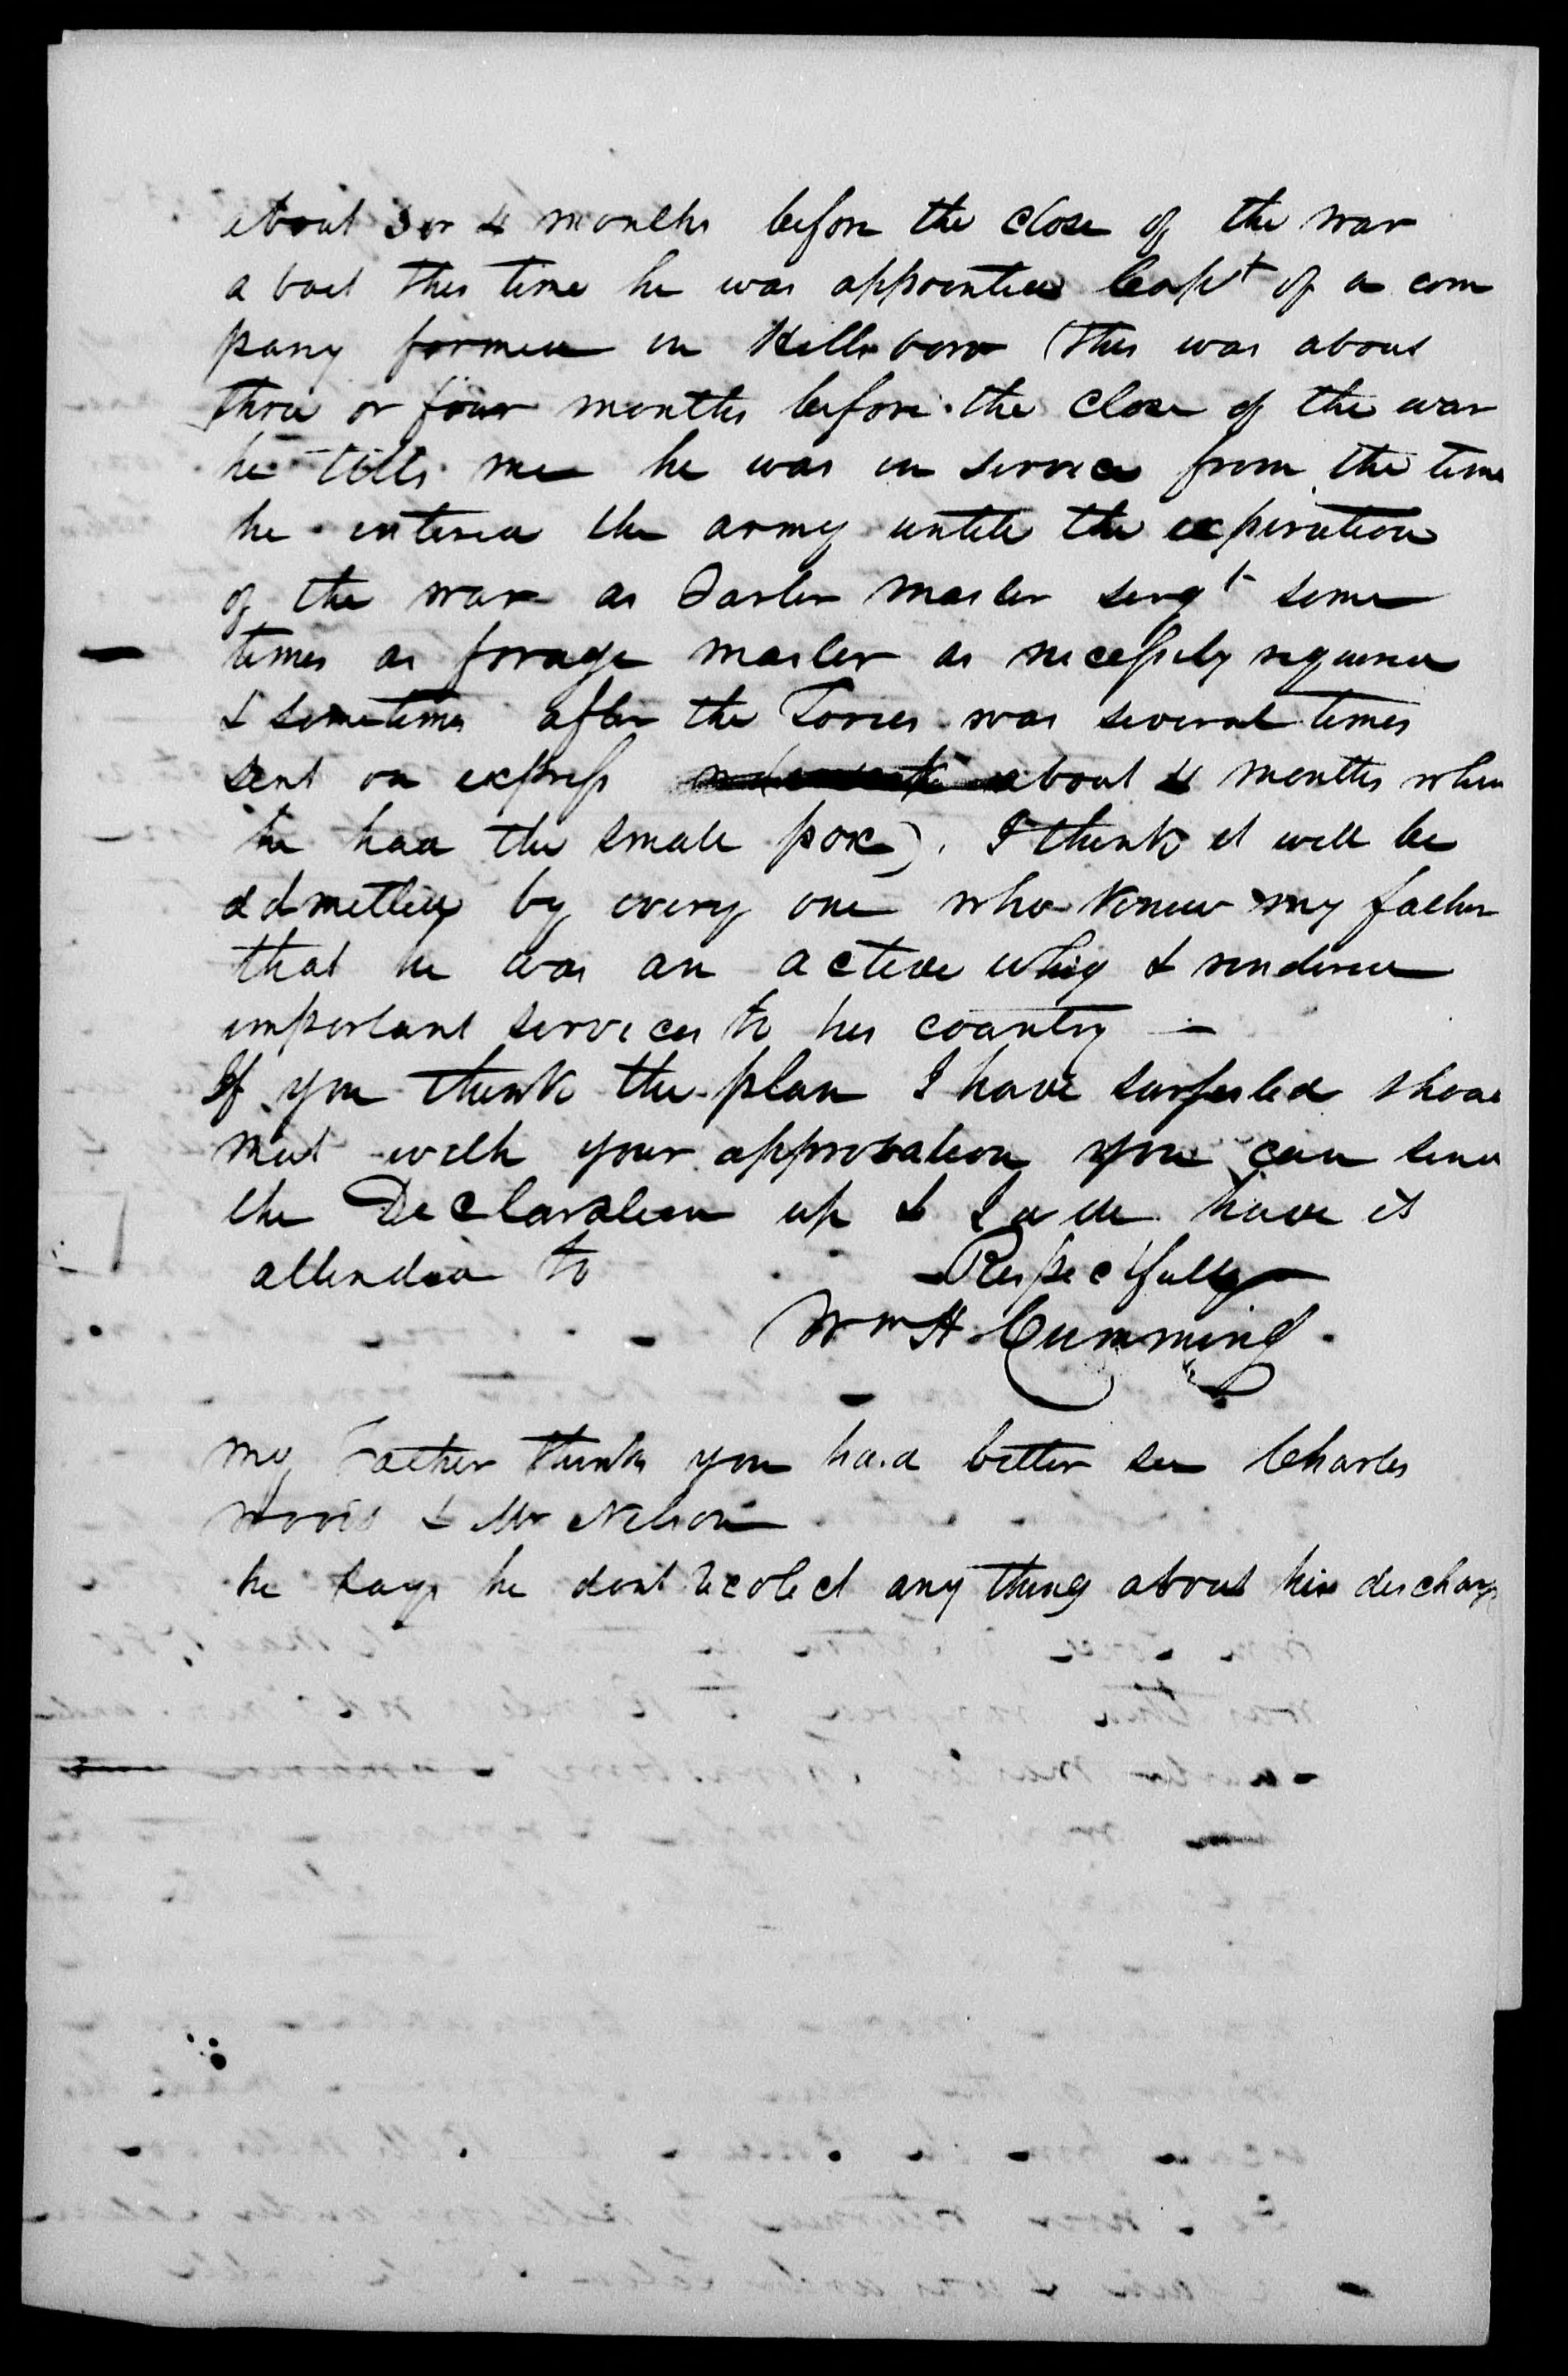[Second, final page of two-page letter from Wm H Cummings, with numerous ink spots showing through from other side of the page. Occasional spacing has been included to make the long text block easier to read.] 

about 3 or 4 months   before the Close of the War
about the time he was appointed Capt [Captain] of a company [here it's unclear whether or not the word "former" or "formerl" perhaps meaning formerly, had been partially stricken through] in Hillsboro (This was about three or four months before the Close of the war

he tells me he was in Service from the time he entered the Army until the expiration of the war as Qarter Master Sergt [Quarter Master Sergeant] Some times as forage master as necessity requird [required] and Sometimes after the Tories was Several times sent on [?] express  [here there are at least two or three illegible words which had been stricken through] about 4 Months when he had the Small pox).  

I think it will be admitted by every one who Knew my father that he was an Active Whig and rendered important Services to his country _ 

If you think the plan I have [?] Surjested [possibly meaning Suggested] shows merit with your approbation you can [illegible word, possibly: send the Declaration up and I will have it attended to 

Respectfully
Wm H Cummings [or Cumming] 

my Father thinks you had better see Charles Woods and Mr. Nelson
he says he don't recolect [recollect] any thing about his discharg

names: Charles Woods, Nelson, Wm H Cummings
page: 142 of 145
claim: survivor's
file: S. 8265, William Cumming, N.C.